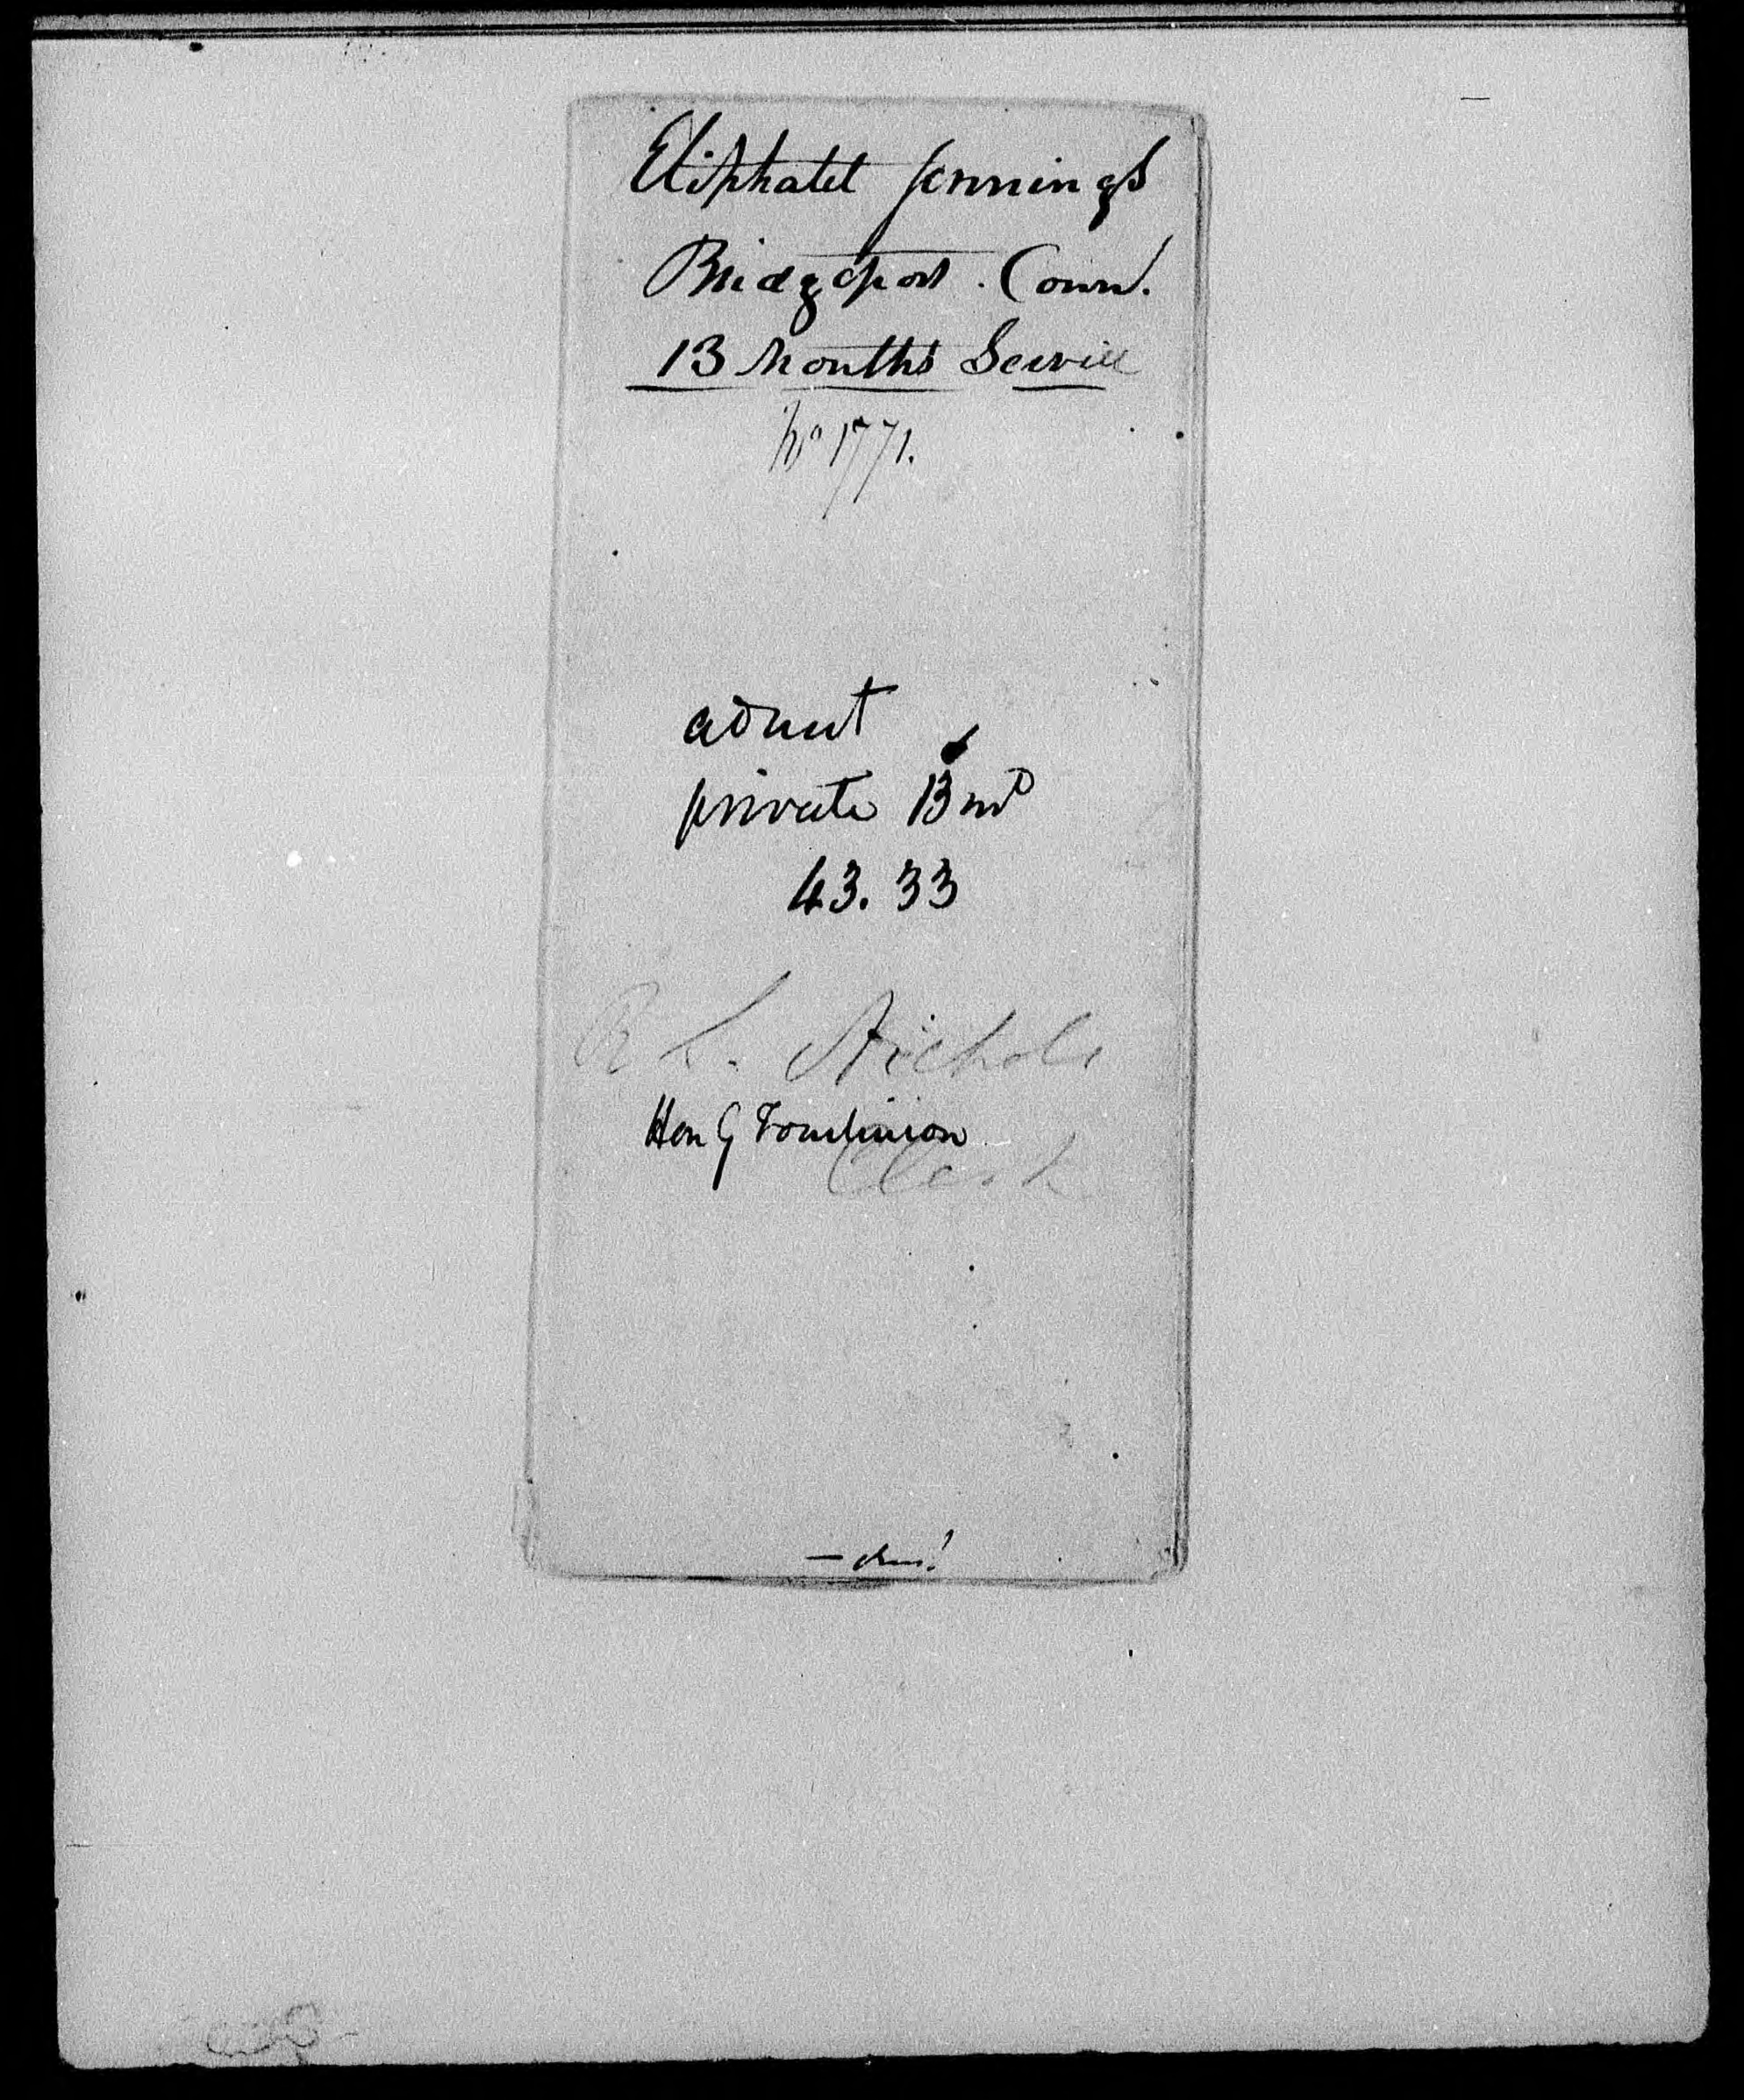Eliphalet Jennings
Bridgeport Conn. [Connecticut]
13 months Service
[illegible] 1771.
amount
private 13 mo [months]
43.33

R L. Nichols 
Clerk
Hon [Honorable] G [illegible]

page: 4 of 10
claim: survivor's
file: S. 18468, for Eliphalet Jennings, Connecticut